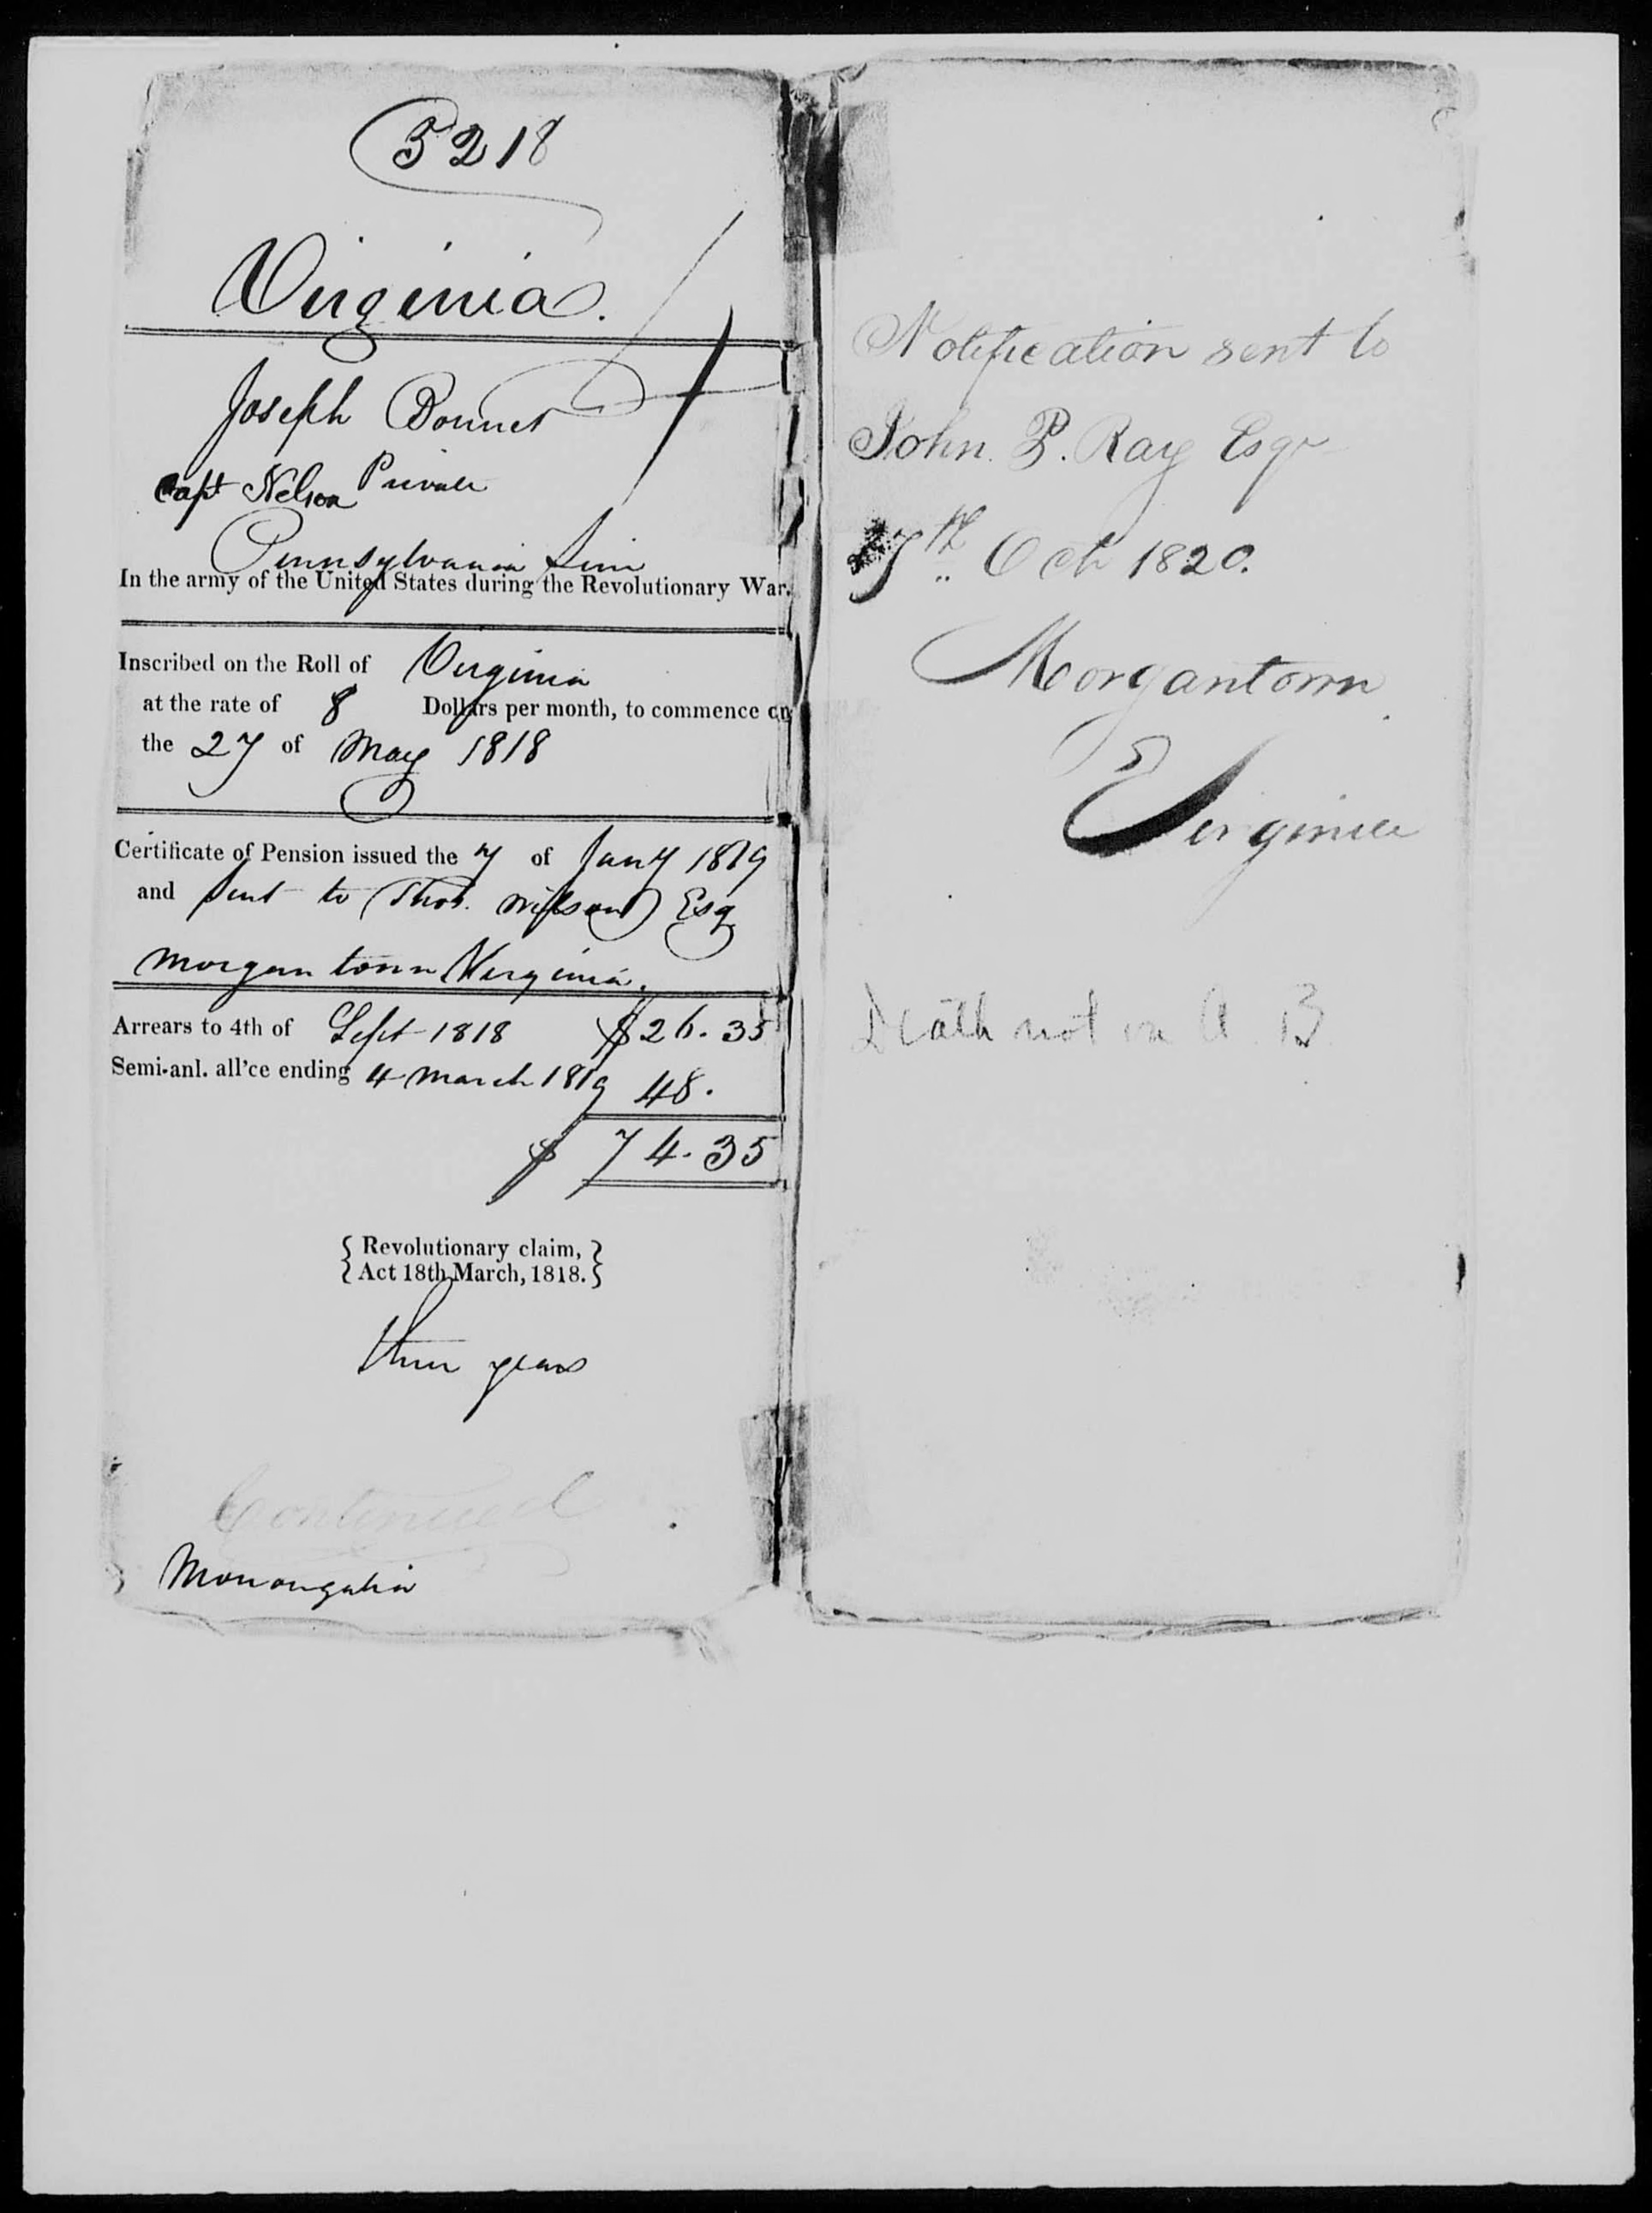(LEFT PAGE)
3218
Virginia
Joseph Bonner
Capt Nelson Prevali
Pennsylvania  Arm

(Typed)
In the army of the United States during the Revolutionary War.
Inscribed on the Roll of Virginia (Script)
at the rate of 8 (script) Dollars per month, to commence on the 27 (Script) of May 1818 (script)

Certificate of Pension issued the 7 (script) of Jany 1819 (script) and sent to his wife and Esq. 
Morgantown Virginia

Arrears to 4th Sept 1818 
Seminal. all'ce ending 4 march 1819

$26.35
48.
$74.35

{Revolutionary claim, Act 18th March, 1818}

three years

_______________________________________________

Notification sent to John P. Ray Esq
7th October 1820

Morgantown Virginia 

(unknown) not in A.13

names: Joseph Bonner, John P Ray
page: 2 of 20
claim: survivor's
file: S. 40,021, Joseph Bonner, Penn.